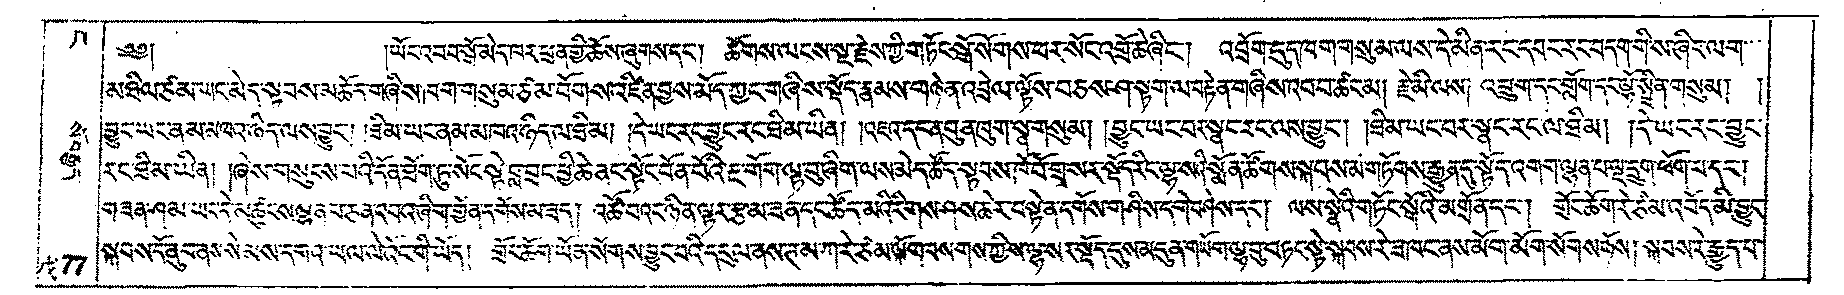༄༅། །ཡོང་འབབ་སྒོ་མེད་ཁར་ཕྲན་གྱི་ཆོས་ཞུགས་དང་། ཚོགས་ལངས་སྔ་རྗེས་ཀྱི་གཏོང་སྒོ་སོགས་ཕར་སོང་འགྲོ་ཆེ་ཞིང་། འབྲོག་དུད་ཁག་གསུམ་ལས་དེ་མིན་རང་དབང་རང་བདག་གི་ས་ཞིང་ལག་
མཐིལ་ཙམ་ཡང་མེད་སྟབས་མཆོད་གཞིས་ཁག་གསུམ་ཙམ་བོགས་འཛིན་བྱས་མོད་ཀྱང་གཞིས་སྡོད་རྣམས་གཉེན་འབྲེལ་ལྟོས་བཅས་ཤ་སྟག་ལ་བརྟེན་གཞིས་འབབ་ཚང་མ། རྗེ་མི་ལས། འབྲུག་དང་གློག་དང་ལྷོ་སྤྲིན་གསུམ། །
བྱུང་ཡང་ནམ་མཁའ་ཉིད་ལས་བྱུང་། །ཐིམ་ཡང་ནམ་མཁའ་ཉིད་ལ་ཐིམ། །དེ་ཡང་རང་བྱུང་རང་ཐིམ་ཡིན། །འཇའ་དང་ན་བུན་ཁུག་སྣ་གསུམ། །བྱུང་ཡང་བར་སྣང་རང་ལས་བྱུང་། །ཐིམ་ཡང་བར་སྣང་རང་ལ་ཐིམ། །དེ་ཡང་རང་བྱུང་
རང་ཐིམ་ཡིན། །ཞེས་གསུངས་པའི་དོན་ཐོག་ཏུ་སོང་སྟེ་བླ་བྲང་ཕྱི་ཆེ་ནང་སྟོང་བོན་པོའི་རྔ་གོག་ལྟ་བུ་ཞིག་ལས་མེད་ཚོད་སྟབས་ཁོ་བོ་གྲྭ་སར་སྡོད་རིང་ལྷ་སའི་སྨོན་ཚོགས་སྐབས་མ་གཏོགས་རྒྱུན་དུ་སྟོད་འགག་ལྷན་པ་ལྔ་དྲུག་ཕོག་པ་དང་།
གཟན་ཤམ་ཡང་དེ་མཚུངས་ལྷན་པ་ཅན་འབའ་ཞིག་གྱོན་དགོས་མ་ཟད། འཚོ་བའང་ཉིན་ལྟར་རྩམ་ཟན་དང་ཚོད་མའི་རིགས་ཤས་ཆེར་བསྟེན་དགོས་གཤིས་དགེ་བཤེས་དང་། ལས་སྣེའི་གཏོང་སྒོའི་མགྲོན་དང་། གྲོང་ཆོག་རེ་ཙམ་འབོད་མི་བྱུང་
སྐབས་དོ་ནུབ་ནས་སེམས་དགའ་ཡལ་ལེ་འོང་གི་ཡོད། གྲོང་ཆོག་ཡོན་སོགས་བྱུང་བའི་དངུལ་ནས་ཊམ་ཀ་རེ་ཙམ་ལྐོག་བསགས་ཀྱིས་ལྷ་སར་སྡོད་དུས་མདུན་གཡོག་ལྷ་བུ་བཏང་སྟེ་སྐབས་རེ་ཟ་ཁང་ནས་མོག་མོག་སོགས་ཉོས། སྐབས་རེ་རྒྱུད་པ་